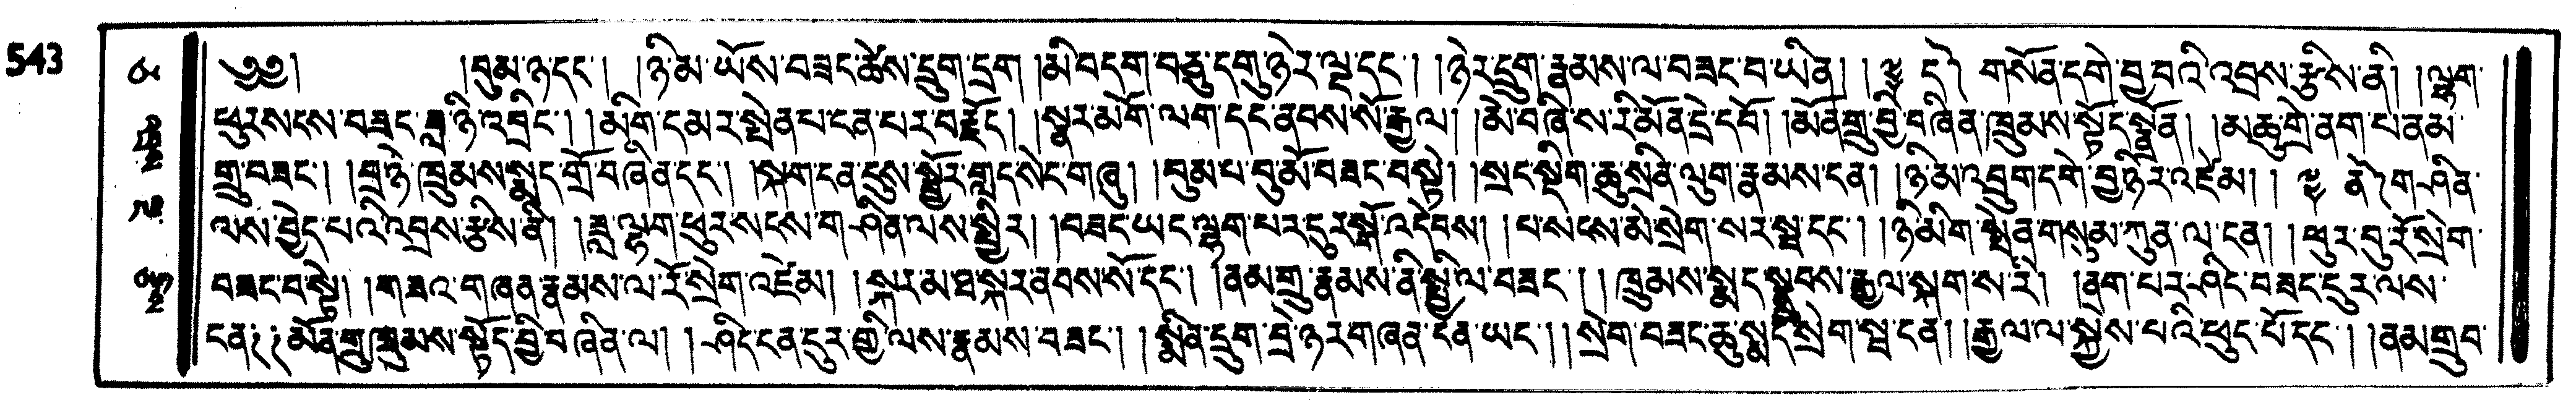༄༅། །བུམ་ཉ་དང་། །ཉི་མ་ཡོས་བཟང་ཚེས་དྲུག་དྲག །མི་བདག་བཅུ་དགུ་ཉེར་ལྔ་དང་། །ཉེར་དྲུག་རྣམས་ལ་བཟང་བ་ཡིན། ། འ་ད་གསོན་དགེ་བྱ་བའི་འབྲས་རྩིས་ནི། །ལྷག་
ཕུར་སངས་བཟང་ཟླ་ཉི་འབྲིང་། །མིག་དམར་སྤེན་པ་ངན་པར་བརྗོད། །སྣར་མགོ་ལག་དང་ནབས་སོ་རྒྱལ། །མེ་བཞི་ས་རི་མོན་དྲེ་དབོ། །མོན་གྲུ་བྱི་བཞིན་ཁྲུམས་སྟོད་སྣྲོན། །མཆུ་གྲེ་ནག་པ་ནམ་
གྲུ་བཟང་། །བྲ་ཉེ་ཁྲུམས་སྨད་གྲོ་བཞིན་དང་། །སྐག་ངན་དུས་སྦྱོར་གླད་སེང་གཞུ། །བུམ་པ་བུ་མོ་བཟང་བ་སྟེ། །སྲང་སྡིག་ཆུ་སྲིན་ལུག་རྣམས་ངན། །ཉི་མ་འབྲུག་དགེ་བྱ་ཉིར་འཛེམ། ། འ་ན་གཤིན་
ལས་བྱེད་པའི་འབྲས་རྩིས་ནི། །ཟླ་ལྷག་ཕུར་སངས་གཤིན་ལས་སྤྱིར། །བཟང་ཡང་ལྷག་པར་དུར་སྒོ་འདེབས། །པ་སངས་མེ་སྲེག་སར་སྦ་དང་། །ཉི་མིག་སྤེན་གསུམ་ཀུན་ལ་ངན། །ཕུར་བུ་རོ་སྲེག་བཟང་བ་སྟེ། །གཟའ་གཞན་རྣམས་ལ་རོ་སྲེག་འཛེམ། །སྐར་མ་ཐ་སྐར་ནབས་སོ་དང་། །ནམ་གྲུ་རྣམས་ནི་སྤྱི་ལ་བཟང་། །ཁྲུམས་སྨད་སྣུབས་རྒྱལ་སྐག་ས་རི། །ནག་པར་ཤིང་བཟང་དུར་ལས་
Fངན༑ ༑མོན་གྲུ་ཁྲུམས་སྟོད་བྱི་བཞིན་ལ། །ཤིང་ངན་དུར་གྱི་ལས་རྣམས་བཟང་། །སྨིན་དྲུག་བྲེ་ཉར་གཞན་ངན་ཡང་། །སྲེག་བཟང་ཆུ་སྨད་སྲེག་སྦ་ངན། །རྒྱལ་ལ་སྐྱེས་པའི་ཕུང་པོ་དང་། །ནམ་གྲུབ་